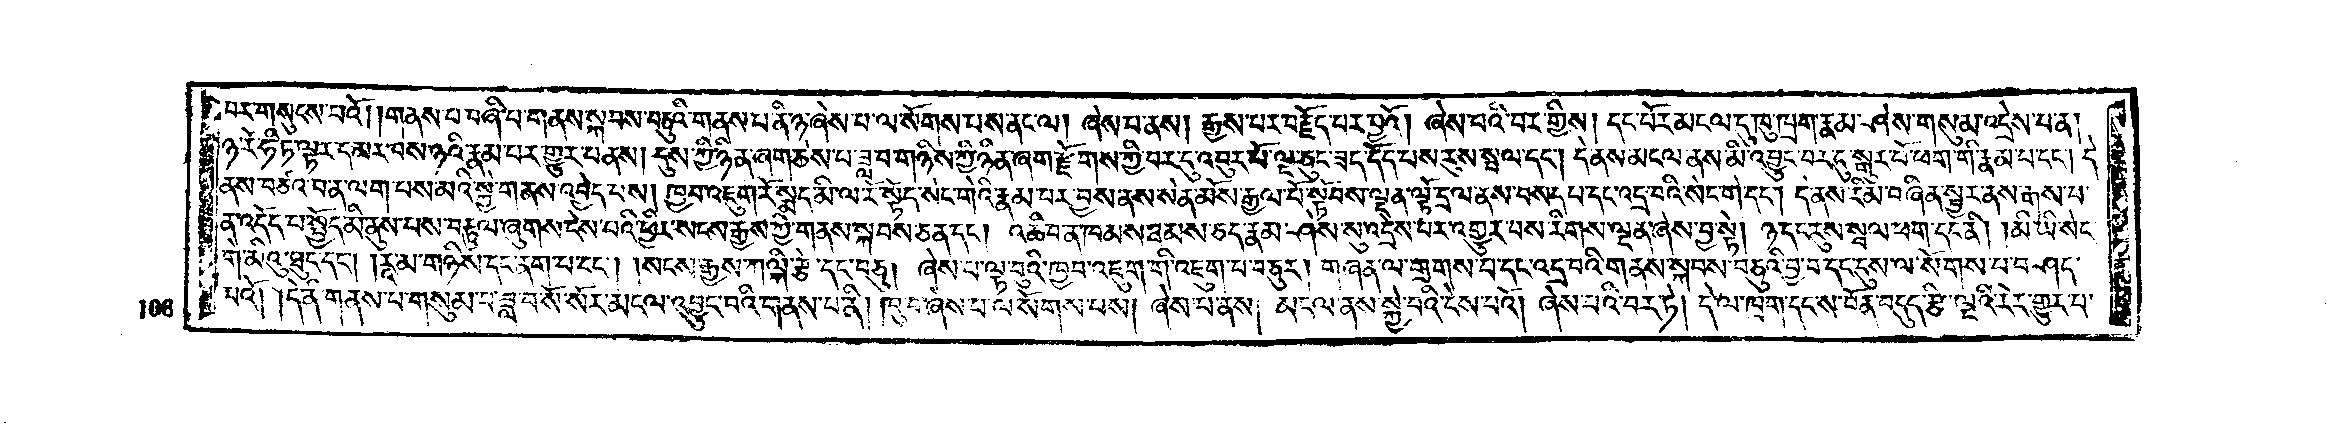བར་གསུངས་པའོ། །གནས་པ་བཞི་པ་གནས་སྐབས་བཅུའི་གནས་པ་ནི་ཉ་ཞེས་པ་ལ་སོགས་པས་ནང་ལ། ཞེས་པ་ནས། རྒྱས་པར་བརྗོད་པར་བྱའོ། ཞེས་པའི་བར་གྱིས། དང་པོར་མངལ་དུ་ཁུ་ཁྲག་རྣམ་ཤེས་གསུམ་འདྲེས་པ་ན།
ཉ་རོ་ཧ་ཏི་ལྟར་དམར་བས་ཉའི་རྣམ་པར་གྱུར་པ་ནས། དུས་ཀྱི་ཉིན་ཞག་ཅེས་པ་ཟླ་བ་གཉིས་ཀྱི་ཉིན་ཞག་རྫོགས་ཀྱི་བར་དུ་འབུར་པོ་ལྔ་ཅུང་ཟད་དོད་པས་རུས་སྦལ་དང་། དེ་ནས་མངལ་ནས་མི་འབྱུང་བར་དུ་སྒུར་པོ་ཕག་གི་རྣམ་པ་དང་། དེ་
ནས་བཙའ་བ་ན་ལག་པས་མའི་སྐྱེ་གནས་འབྱེད་པས། ཁྱབ་འཇུག་རོ་སྨད་མི་ལ་རོ་སྟོད་སེང་གེའི་རྣམ་པར་བྱས་ནས་སེན་མོས་རྒྱལ་པོ་སྟོབས་ལྡན་ལྟོ་དྲལ་ནས་བསད་པ་དང་འདྲ་བའི་སེང་གེ་དང་། དེ་ནས་རིམ་བཞིན་སྦྱར་ནས་རྒས་པ་
ན་འདོད་པ་སྤྱོད་མི་ནུས་པས་བརྟུལ་ཞུགས་ངེས་པའི་ཕྱིར་སངས་རྒྱས་ཀྱི་གནས་སྐབས་ཅན་དང་། འཆི་བ་ན་ཁམས་ཐམས་ཅད་རྣམ་ཤེས་སུ་འདྲེས་པར་འགྱུར་པས་རིགས་ལྡན་ཞེས་བྱ་སྟེ། ཉ་དང་རུས་སྦལ་ཕག་དང་ནི། །མི་ཡི་སེང་
གེ་མིའུ་ཐུང་དང་། །རཱ་མ་གཉིས་དང་ནག་པ་དང་། །སངས་རྒྱས་ཀལྐི་རྩེ་དང་བཅུ། ཞེས་པ་ལྟ་བུའི་ཁྱབ་འཇུག་གི་འཇུག་པ་བཅུར། གཞན་ལ་གྲགས་པ་དང་འདྲ་བའི་གནས་སྐབས་བཅུའི་བྱ་བ་དང་དུས་ལ་སོགས་པ་བཤད་
པའོ། །དེ་ནི་གནས་པ་གསུམ་པ་ཟླ་བ་སོ་སོར་མངལ་འབྱུང་བའི་གནས་པ་ནི། ཁུ་བ་ཞེས་པ་ལ་སོགས་པས། ཞེས་པ་ནས། མངལ་ནས་སྐྱེ་བའི་ངེས་པའོ། ཞེས་པའི་བར་ཏེ། དེ་ལ་ཁྲག་དང་ས་བོན་བདུད་རྩི་ལྔའི་རེར་གྱུར་པ་